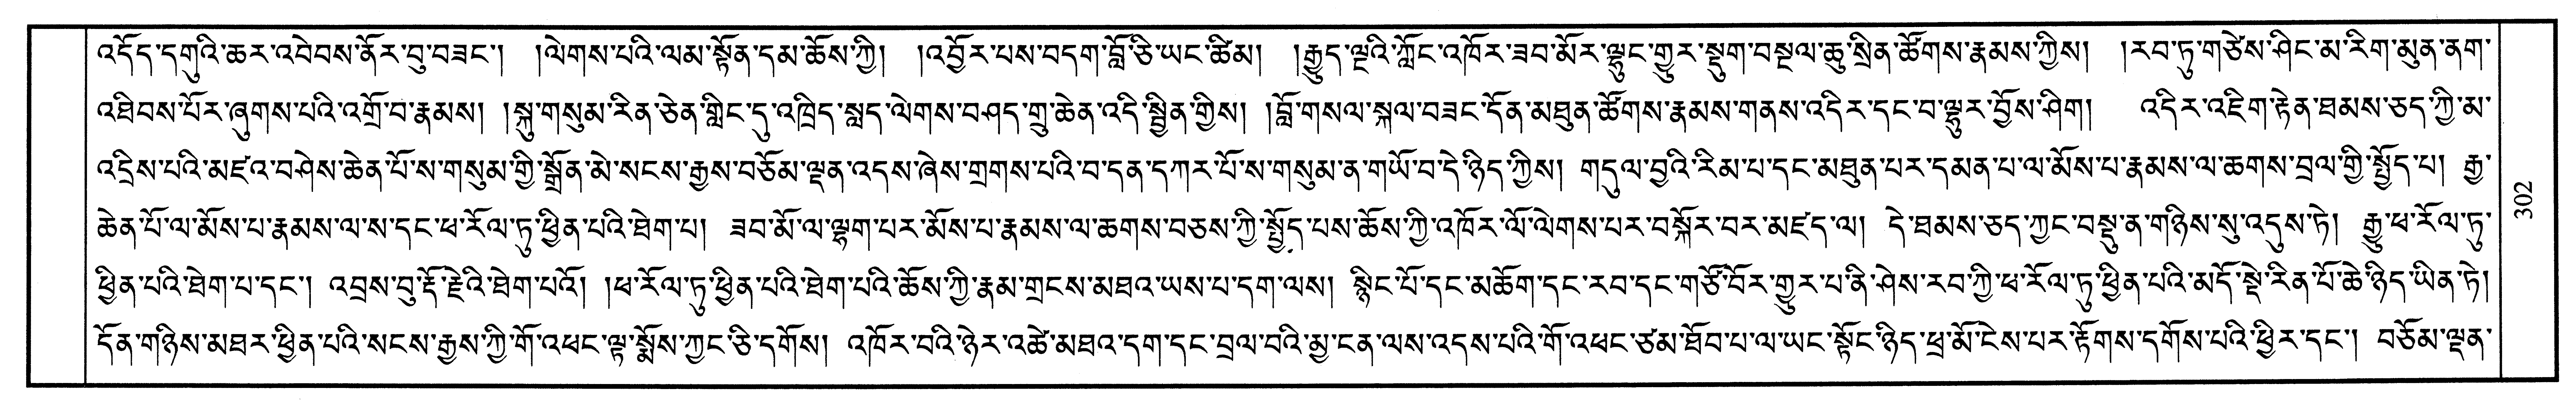འདོད་དགུའི་ཆར་འབེབས་ནོར་བུ་བཟང་། །ལེགས་པའི་ལམ་སྟོན་དམ་ཆོས་ཀྱི། །འབྱོར་པས་བདག་བློ་ཅི་ཡང་ཚིམ། །རྒྱུད་ལྔའི་ཀློང་འཁོར་ཟབ་མོར་ལྷུང་གྱུར་སྡུག་བསྔལ་ཆུ་སྲིན་ཚོགས་རྣམས་ཀྱིས། །རབ་ཏུ་གཙེས་ཤིང་མ་རིག་མུན་ནག་
འཐིབས་པོར་ཞུགས་པའི་འགྲོ་བ་རྣམས། །སྐུ་གསུམ་རིན་ཅེན་གླིང་དུ་འཁྲིད་སླད་ལེགས་བཤད་གྲུ་ཆེན་འདི་སྦྱིན་གྱིས། །བློ་གསལ་སྐལ་བཟང་དོན་མཐུན་ཚོགས་རྣམས་གནས་འདིར་དང་བ་ལྷུར་བྱོས་ཤིག། འདིར་འཇིག་རྟེན་ཐམས་ཅད་ཀྱི་མ་
འདྲིས་པའི་མཛའ་བཤེས་ཆེན་པོ་ས་གསུམ་གྱི་སྒྲོན་མེ་སངས་རྒྱས་བཅོམ་ལྡན་འདས་ཞེས་གྲགས་པའི་བ་དན་དཀར་པོ་ས་གསུམ་ན་གཡོ་བ་དེ་ཉིད་ཀྱིས། གདུལ་བྱའི་རིམ་པ་དང་མཐུན་པར་དམན་པ་ལ་མོས་པ་རྣམས་སླ་ཆགས་བྲལ་གྱི་སྤྱོད་པ། རྒྱ་
ཆེན་པོ་ལ་མོས་པ་རྣམས་ལ་ས་དང་ཕ་རོལ་ཏུ་ཕྱིན་པའི་ཐེག་པ། ཟབ་མོ་ལ་ལྷག་པར་མོས་པ་རྣམས་ལ་ཆགས་བཅས་ཀྱི་སྤྱོད་པས་ཆོས་ཀྱི་འཁོར་ལོ་ལེགས་པར་བསྐོར་བར་མཛད་ལ། དེ་ཐམས་ཅད་ཀྱང་བསྡུ་ན་གཉིས་སུ་འདུས་ཏེ། རྒྱུ་ཕ་རོལ་ཏུ་
ཕྱིན་པའི་ཐེག་པ་དང་། འབྲས་བུ་རྡོ་རྗེའི་ཐེག་པའོ། །ཕ་རོལ་ཏུ་ཕྱིན་པའི་ཐེག་པའི་ཆོས་ཀྱི་རྣམ་གྲངས་མཐའ་ཡས་པ་དག་ལས། སྙིང་པོ་དང་མཆོག་དང་རབ་དང་གཙོ་བོར་གྱུར་པ་ནི་ཤེས་རབ་ཀྱི་ཕ་རོལ་ཏུ་ཕྱིན་པའི་མདོ་སྡེ་རིན་པོ་ཆེ་ཉིད་ཡིན་ཏེ།
དོན་གཉིས་མཐར་ཕྱིན་པའི་སངས་རྒྱས་ཀྱི་གོ་འཕང་ལྟ་སྨོས་ཀྱང་ཅི་དགོས། འཁོར་བའི་ཉེར་འཚེ་མཐའ་དག་དང་བྲལ་བའི་མྱ་ངན་ལས་འདས་པའི་གོ་འཕང་ཙམ་ཐོབ་པ་ལ་ཡང་སྟོང་ཉིད་ཕྲ་མོ་ངེས་པར་རྟོགས་དགོས་པའི་ཕྱིར་དང་། བཅོམ་ལྡན་